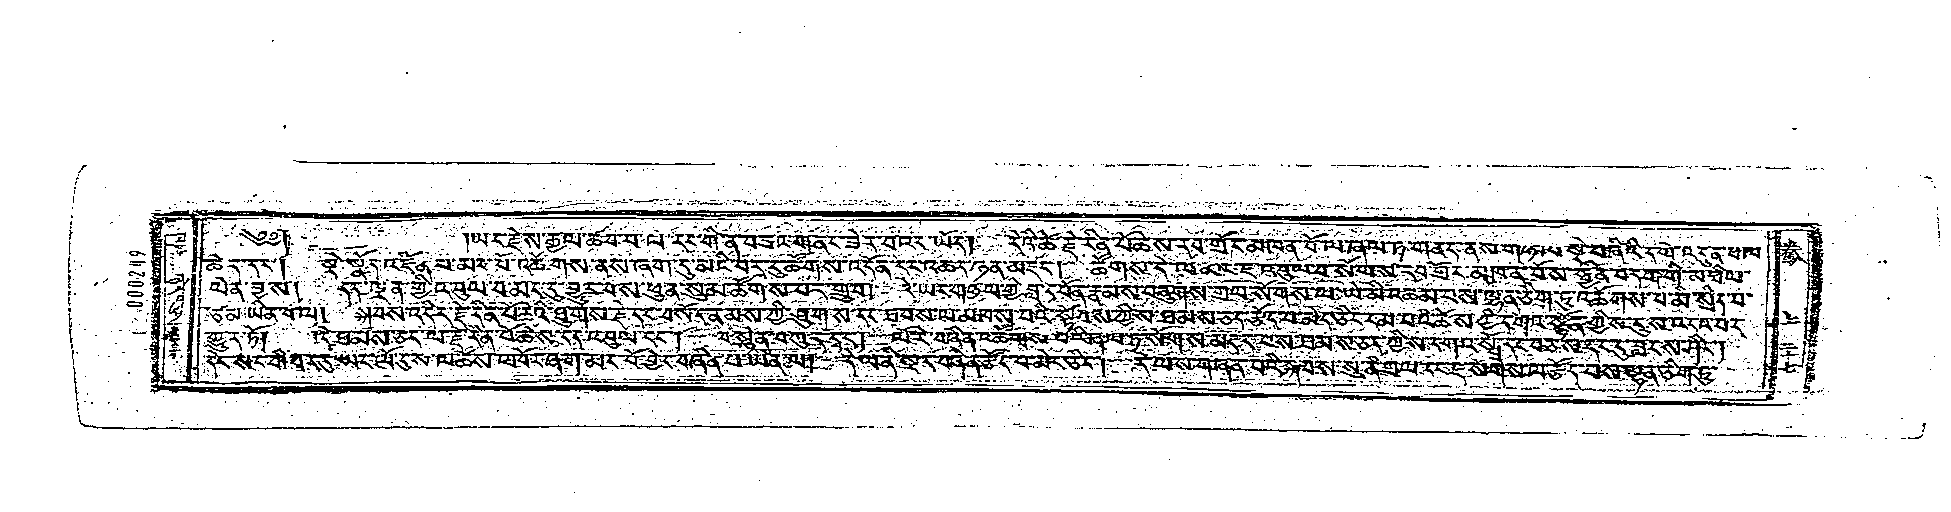༄༅། །ཡང་རྗེས་རྒྱལ་ཚབ་པ་ལ་རང་གི་ན་བཟའ་གནང་ཟེར་བའང་ཡོད། དེའི་ཚེ་རྗེ་རིན་པོ་ཆེས་རབ་གྲོང་མཁན་པོ་ལ་ཞལ་ཏ་གནང་ནས་གཉལ་སྡེ་བཞིའི་དགེ་འདུན་ཕལ་
ཆེར་དང་། སྡེ་སྣོད་འཛིན་པ་མང་པོ་འཚོགས་ནས་ཞག་དུ་མའི་བར་དུ་ཚོགས་འདོན་དང་འཆད་ཉན་མཛད། ཚོགས་དེ་ལ་མང་ཇ་འབུལ་བ་སོགས་རབ་གྲོང་མཁན་པོས་སྦྱིན་བདག་གི་མཐིལ་
ལེན་བྱས། དང་ལྡན་གྱི་འབུལ་བ་མང་དུ་བྱུང་བས་ཕུན་སུམ་ཚོགས་པར་གྲུབ། དེ་ཡང་གཉལ་གྱི་བླ་དཔོན་རྣམས་བཞུགས་གྲལ་སོགས་ལ་ཡེ་མི་འཆམ་པས་ལྷན་ཅིག་ཏུ་འཚོགས་པ་མི་སྲིད་པ་
ཙམ་ཡིན་པ་ལ། སྐབས་འདིར་རྗེ་རིན་པོ་ཆེའི་ཐུགས་རྗེ་དང་བསོད་ནམས་ཀྱི་ཤུགས་དང་ཐབས་ལ་མཁས་པའི་སྟོབས་ཀྱིས་ཐམས་ཅད་རྩོད་པ་མེད་ཅིང་དམ་པའི་ཆོས་ཀྱི་དགའ་སྟོན་གྱིས་དུས་འདའ་བར་
གྱུར་ཏོ། །དེ་ཐམས་ཅད་ལ་རྗེ་རིན་པོ་ཆེས་དད་འབུལ་དང་། བསྙེན་བཀུར་དང་། ལོ་རེ་བཞིན་འཚོགས་པའི་ཞལ་ཏ་སོགས་མཛད་པས་ཐམས་ཅད་ཀྱིས་དགའ་སྤྲོ་དང་བཅས་དང་དུ་བླངས་ཤིང་།
དེང་སང་གི་བར་དུ་ཡང་ལོ་དུས་ལ་ཚེས་འཁོར་ཞག་མང་པོ་བྱེད་བཞིན་པ་ཡིན་ལ། དེ་ལ་ནི་སྔར་བཞིན་ཙོང་པ་མེད་ཅིང་། རེ་ལས་གཞན་པའི་སྐབས་སུ་ནི་གྲལ་དང་ཇ་སོགས་ལ་རྩོད་པས་ལྷན་ཅིག་ཏུ་